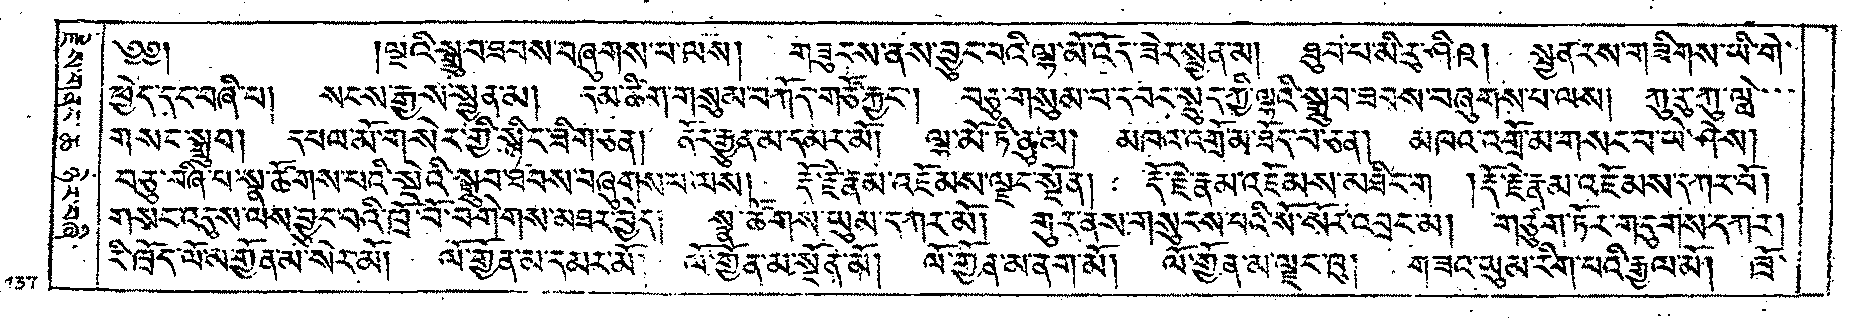༄༅། །ལྔའི་སྒྲུབ་ཐབས་བཞུགས་པ་ལས། གཟུངས་ནས་བྱུང་བའི་ལྷ་མོ་འོད་ཟེར་སྤྱན་མ། ཐུབ་པ་མི་རུ་ཤིཥ། སྤྱན་རས་གཟིགས་ཡི་གེ་
ཕྱེད་དང་བཞི་པ། སངས་རྒྱས་སྤྱན་མ། དམ་ཚིག་གསུམ་བཀོད་གཙོ་རྐྱང་། བཅུ་གསུམ་པ་དབང་སྡུད་ཀྱི་ལྷའི་སྒྲུབ་ཐབས་བཞུགས་པ་ལས། ཀུ་རུ་ཀུ་ལླེ་
གསང་སྒྲུབ། དཔལ་མོ་གསེར་གྱི་སྙིང་ཐིག་ཅན། ནོར་རྒྱུན་མ་དམར་མོ། ལྷ་མོ་ཏི་ནུ་མ། མཁའ་འགྲོ་མ་ཐོད་པ་ཅན། མཁའ་འགྲོ་མ་གསང་བ་ཡེ་ཤེས།
བཅུ་བཞི་པ་སྣ་ཚོགས་པའི་སྡེའི་སྒྲུབ་ཐབས་བཞུགས་པ་ལས། རྡོ་རྗེ་རྣམ་འཇོམས་ལྗང་སྔོན། རྡོ་རྗེ་རྣམ་འཇོམས་མཐིང་ག །རྡོ་རྗེ་རྣམ་འཇོམས་དཀར་པོ།
གསང་འདུས་ལས་བྱུང་བའི་ཁྲོ་བོ་བགེགས་མཐར་བྱེད། སྣ་ཚོགས་ཡུམ་དཀར་མོ། གུར་ནས་གསུངས་པའི་སོ་སོར་འབྲང་མ། གཙུག་ཏོར་གདུགས་དཀར།
རི་ཁྲོད་ལོ་མ་གྱོན་མ་སེར་མོ། ལོ་གྱོན་མ་དམར་མོ། ལོ་གྱོན་མ་སྔོན་མོ། ལོ་གྱོན་མ་ནག་མོ། ལོ་གྱོན་མ་ལྗང་ཁུ། གཟའ་ཡུམ་རིག་པའི་རྒྱལ་མོ། ཁྲོ་